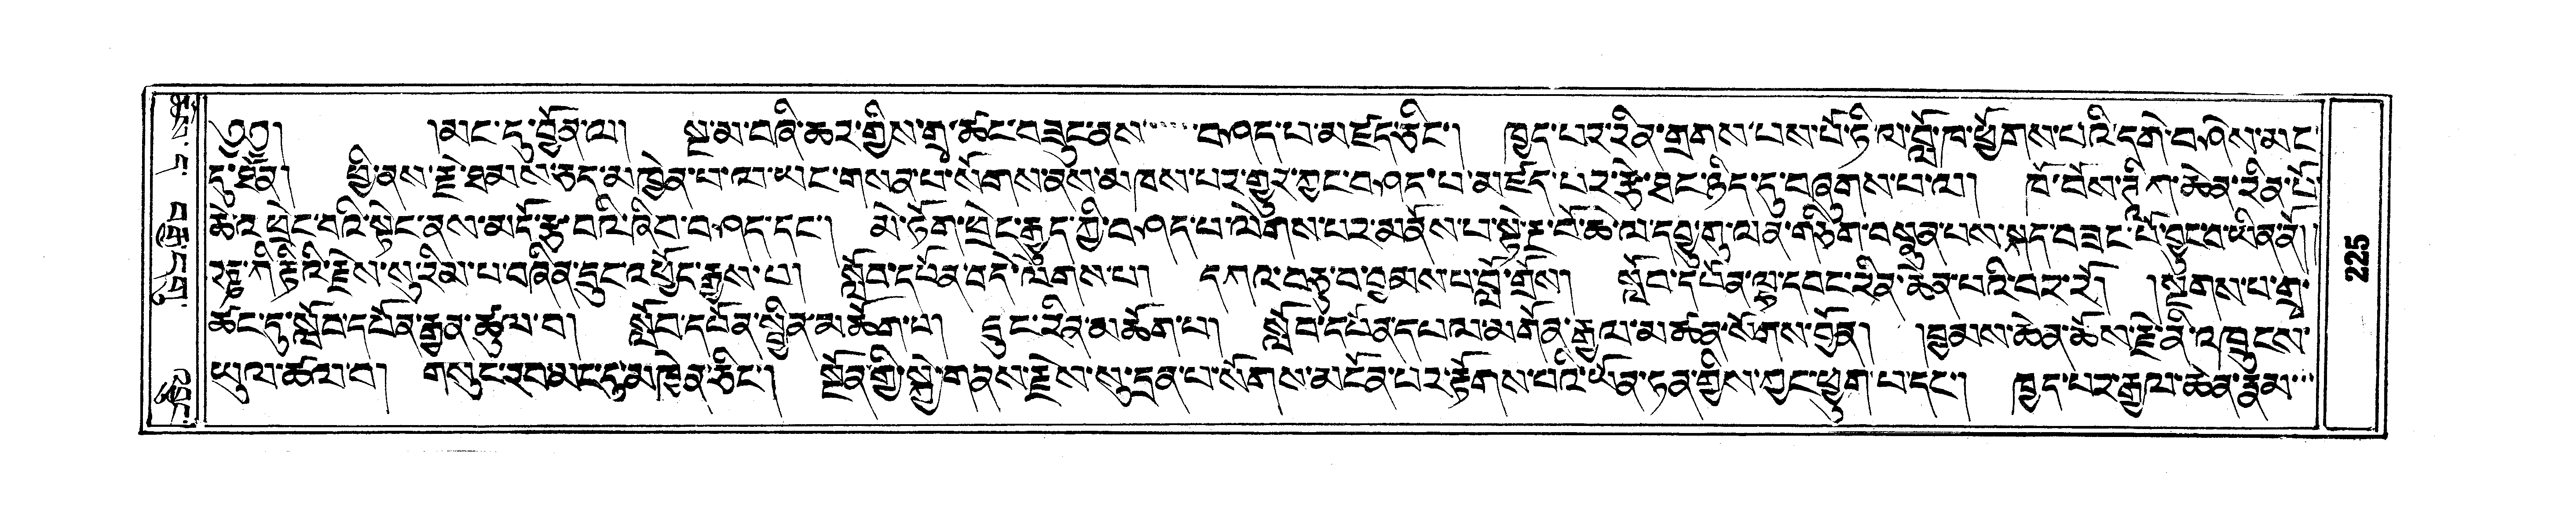༄༅། །མང་དུ་བྱོན་ལ། སྔ་མ་བཞི་ཆར་གྱིས་གྲྭ་ཚང་བཟུང་ནས་བཤད་པ་མཛད་ཅིང་། ཁྱད་པར་རིན་གྲགས་པས་པོ་ཏི་ལ་བློ་ཁ་ཕྱོགས་པའི་དགེ་བཤེས་མང་
དུ་ཐོན། ཕྱི་ནས་རྗེ་ཐམས་ཅད་མཁྱེན་པ་ལ་ཡང་གསན་པ་སོགས་ནས་མཁས་པར་གྱུར་ཀྱང་བཤད་པ་མཛད་པར་རྩེ་ཐང་ཉིད་དུ་བཞུགས་པ་ལ། ཁོ་བོས་ཊིའྐ་ཆེན་རིན་པོ་
ཆེ་འཕྲེང་བའི་སྟེང་ནས་མདོ་རྩ་བའི་ཞིབ་བཤད་དང་། མེ་ཏོག་ཕྲེང་རྒྱུད་ཀྱི་བཤད་པ་ལེགས་པར་མནོས་པ་སྟེ་རྔ་བོ་ཆེ་ལ་དབྱུ་གུ་ལན་གཅིག་བསྣུན་པས་སྐད་བཟང་པོ་བྱུང་བ་ཡིན་ནོ། །
རཊྞ་ཀི་རྟིའི་རྗེས་སུ་རིམ་པ་བཞིན་དྲུང་འཕྱོང་རྒྱས་པ། སློབ་དཔོན་བདེ་ལེགས་པ། དཀའ་བཅུ་བ་བྱམས་པ་བློ་གྲོས། སློབ་དཔོན་ལྷ་དབང་རིན་ཆེན་པའི་བར་རོ། །སྔགས་པ་གྲྭ་
ཚང་དུ་སློབ་དཔོན་རྒྱན་ཚུལ་བ། སློབ་དཔོན་སྦྱིན་མཆོག་པ། དྲུང་རིན་མཆོག་པ། སློབ་དཔོན་དཔལ་མགོན་རྒྱལ་མཚན་སོགས་བྱོན། །བྱམས་ཆེན་ཆོས་རྗེ་ནི་འཁྲུངས་
ཡུལ་ཚལ་བ། གསུང་རབ་མང་དུ་མཁྱེན་ཅིང་། སྔོན་གྱི་སྐྱེ་གནས་རྗེས་སུ་དྲན་པ་སོགས་མངོན་པར་རྟོགས་པའི་ཡོན་ཏན་གྱིས་ཀྱང་ཕྱུག་པ་དང་། ཁྱད་པར་རྒྱལ་ཆེན་རྣམ་